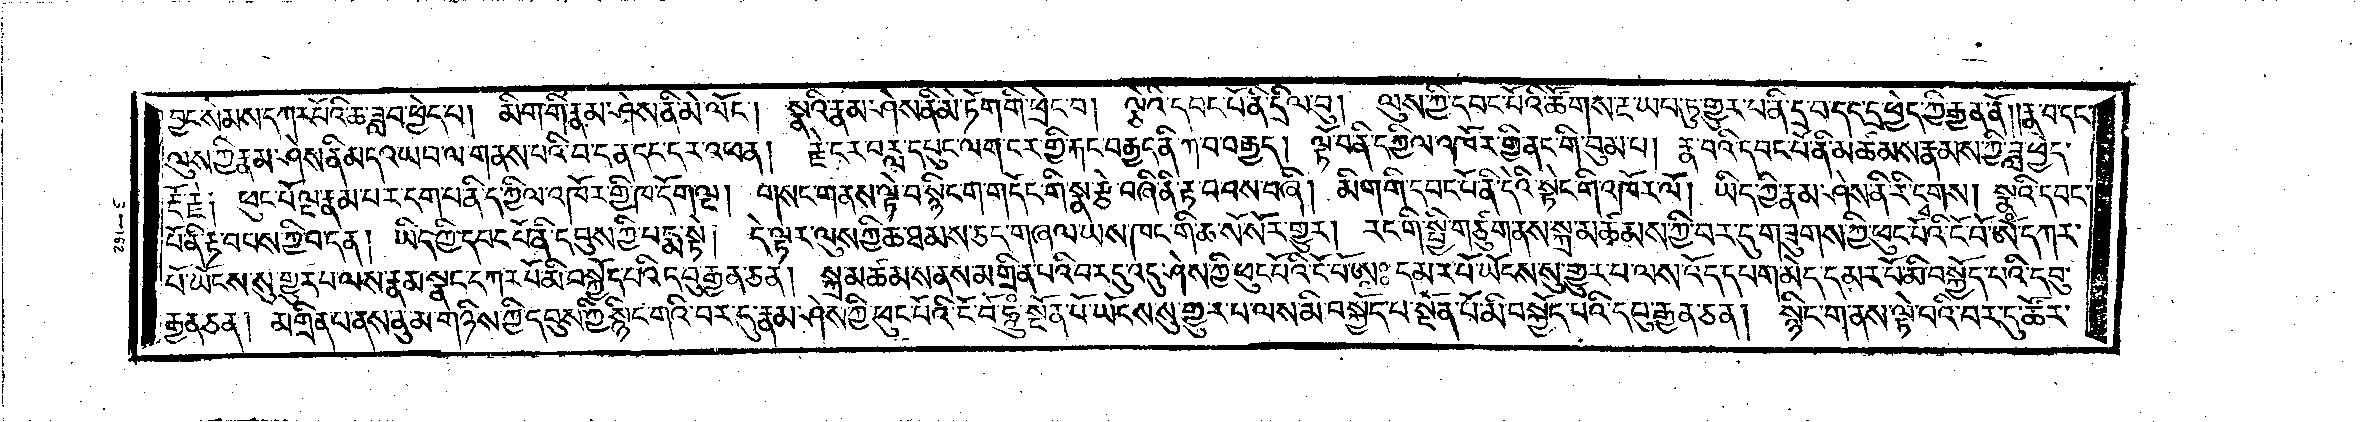བྱང་སེམས་དཀར་པོའི་ཆ་ཟླ་བ་ཕྱེད་པ། མིག་གི་རྣམ་ཤེས་ནི་མེ་ལོང་། སྣའི་རྣམ་ཤེས་ནི་མེ་ཏོག་གི་ཕྲེང་བ། ལྕེའི་དབང་པོ་ནི་དྲིལ་བུ། ལུས་ཀྱི་དབང་པོའི་ཚོགས་རྔ་ཡབ་ཏུ་གྱུར་པ་ནི་དྲ་བ་དང་དྲ་ཕྱེད་ཀྱི་རྒྱན་ནོ། །རྣ་བ་དང་
ལུས་ཀྱི་རྣམ་ཤེས་ནི་མདའ་ཡབ་ལ་གནས་པའི་བ་ངན་དང་དར་འཕན། རྗེ་ངར་བརླ་དཔུང་ལག་ངར་གྱི་རྐང་བརྒྱད་ནི་ཀ་བ་བརྒྱད། ལྟོ་བ་ནི་དཀྱིལ་འཁོར་གྱི་ནང་གི་བུམ་པ། རྣ་བའི་དབང་པོ་ནི་མཚམས་རྣམས་ཀྱི་ཟླ་ཕྱེད་
རྡོ་རྗེ༑ ཕུང་པོ་ལྔ་རྣམ་པར་དག་པ་ནི་དཀྱིལ་འཁོར་གྱི་ཁ་དོག་ལྔ། གསང་གནས་ལྟེ་བ་སྙིང་ག་གདོང་གི་སྣ་རྩེ་བཞི་ནི་རྟ་བབས་བཞི། མིག་གི་དབང་པོ་ནི་དེའི་སྟེང་གི་འཁོར་ལོ། ཡིད་ཀྱི་རྣམ་ཤེས་ནི་རི་དྭགས། སྣའི་དབང་
པོ་ནི་རྟ་བབས་ཀྱི་བ་དན། ཡིད་ཀྱི་དབང་པོ་ནི་དབུས་ཀྱི་པདམ་སྟེ། དེ་ལྟར་ལུས་ཀྱི་ཆ་ཐམས་ཅད་གཞལ་ཡས་ཁང་གི་ཆ་སོ་སོར་གྱུར། རང་གི་སྤྱི་གཙུག་ནས་སྐྲ་མཚམས་ཀྱི་བར་དུ་གཟུགས་ཀྱི་ཕུང་པོའི་ངོ་བོ་ཨོཾ་དཀར་
པོ་ཡོངས་སུ་གྱུར་པ་ལས་རྣམ་སྣང་དཀར་པོ་མི་བསྐྱོད་པའི་དབུ་རྒྱན་ཅན། སྐྲ་མཚམས་ནས་མགྲིན་པའི་བར་དུ་འདུ་ཤེས་ཀྱི་ཕུང་པོའི་ངོ་བོ་ཨཱཿ དམར་པོ་ཡོང་སུ་གྱུར་པ་ལས་འོད་དཔག་མེད་དམར་པོ་མི་བསྐྱོད་པའི་དབུ་
རྒྱན་ཅན། མགྲིན་པ་ནས་ནུ་མ་གཉིས་ཀྱི་དབུས་ཀྱི་སྙིང་གའི་བར་དུ་རྣམ་ཤེས་ཀྱི་ཕུང་པོའི་ངོ་བོ་ཧཱུཾ་སྔོན་པོ་ཡོང་སུ་གྱུར་པ་ལས་མི་བསྐྱོད་པ་སྔོན་པོ་མི་བསྐྱོད་པའི་དབུ་རྒྱན་ཅན། སྙིང་གནས་ལྟེ་བའི་བར་དུ་ཚོར་